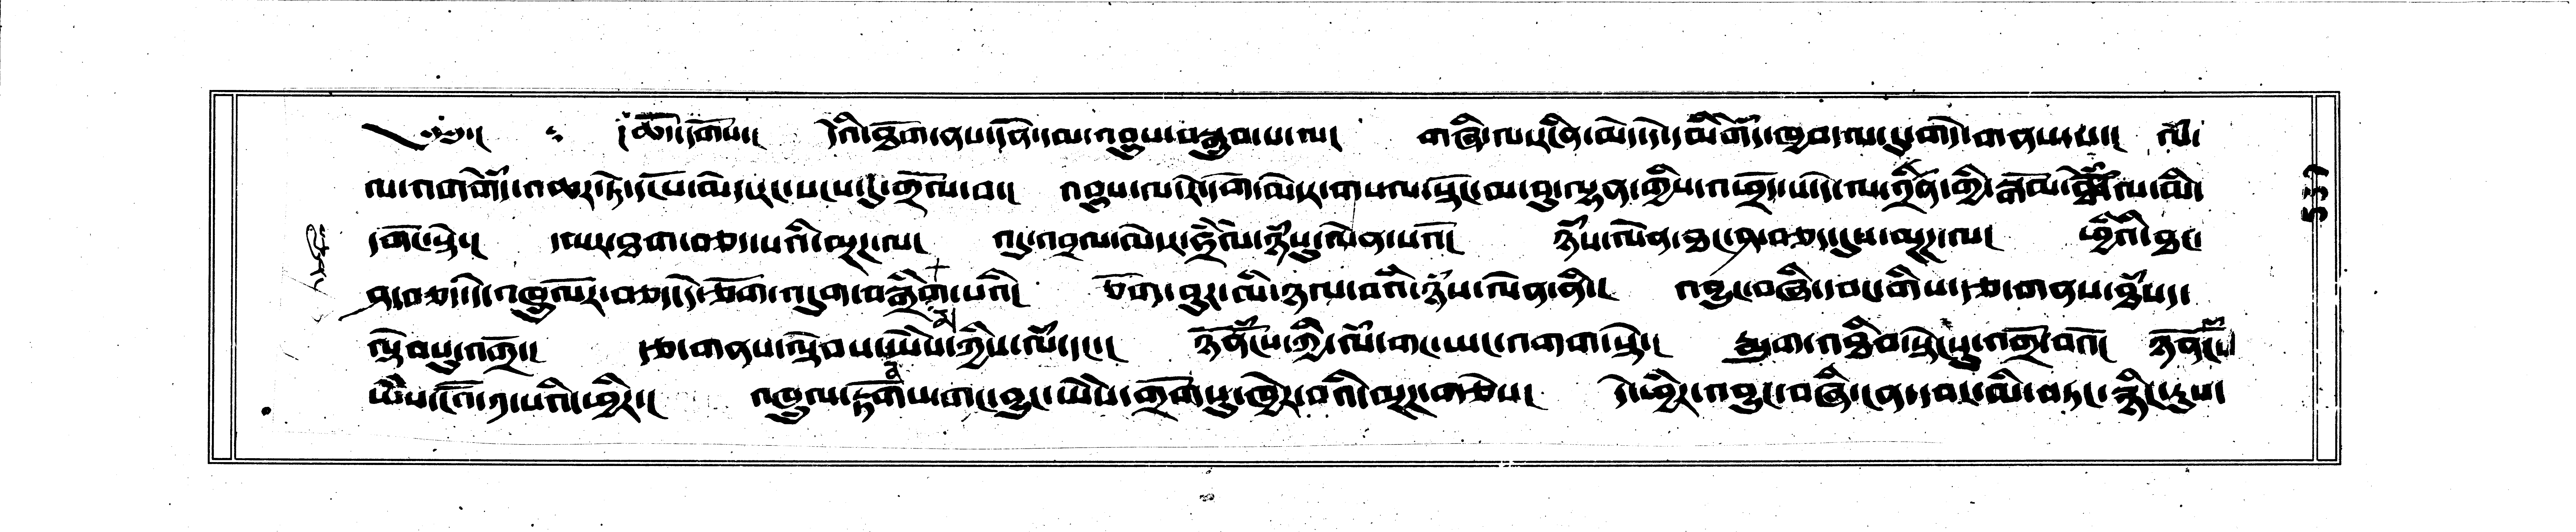ཆོད་དགོས། དེའི་ཐོག་ནས་དོན་དམ་འབྲས་བུ་སྒྲུབས་པ་ལ། གཞི་ལ་རང་བཞིན་མེད་སྟེ་དམིགས་མེད་ཁྱབ་བདལ་དུ་ཀད་དེ་གནས། ལམ་
ལ་གྷག་(འགག)་མེད་འཆར་ཏེ་གྷག་(འགག)་མེད་ངར་སར་གྲོལ། འབྲས་བུ་ལ་རེ་དོག་མེད་པར་གསལ་སྟོང་མ་བུ་ལྷན་གྱི་འཕྲོད་པ། དེ་ལ་ཡང་གཉིས་འཛིན་གྱི་སྒོ་ཐེམ་མི་གྷོག་
(འགོག)སྟེ། དམར་ཐག་བཅད་པའི་མེན་ངག་ལ། འདུ་བྲལ་མེད་པར་ཏྲི་ལེ་ཉམས་སུ་ལེན་པའོ། ཉམས་ལེན་ཐང་ཤ་བཅད་དུས་ཀྱི་མེན་ངག་ལ། ཕྱིར་འཁྲུལ་
འཁོར་དང་ལྡན་ཏེ་གཅོགས་༼ཅོག༽འདུག་གཅེས་པའོ། ཅོག་བུར་མི་འདུག་པའི་ཉམས་ལེན་ནི། འབྱུང་བཞིའི་དབང་གི་རྩ་གནས་ཐམས་ཅད་
ལྡེབས་སུ་འགྲོ། རྩ་གནས་སྡེབ་པས་ཡེ་ཤེས་ཀྱི་ལམ་དང་། ཉོན་མོངས་པའི་ལམ་གང་ཡང་གྷག་(འགག)་སྟེ་རྨུག་འཐིབ་ལྡིང་དུ་འགྲོ་བའོ། ཉོན་མོངས་
ཡེ་ཤེས་ངོའོ་ཅིག་པའི་ཕྱིར། འཁྲུལ་རྟོག་རང་འབྱུང་ཡེ་ཤེས་གྲོགས་སུ་ཁྱེར་བའི་མེན་ངག་གཅེས། དེ་ཕྱིར་འབྱུང་བཞི་འདི་ངན་དབང་དུ་མི་བཏང་སྙིང་རུས་